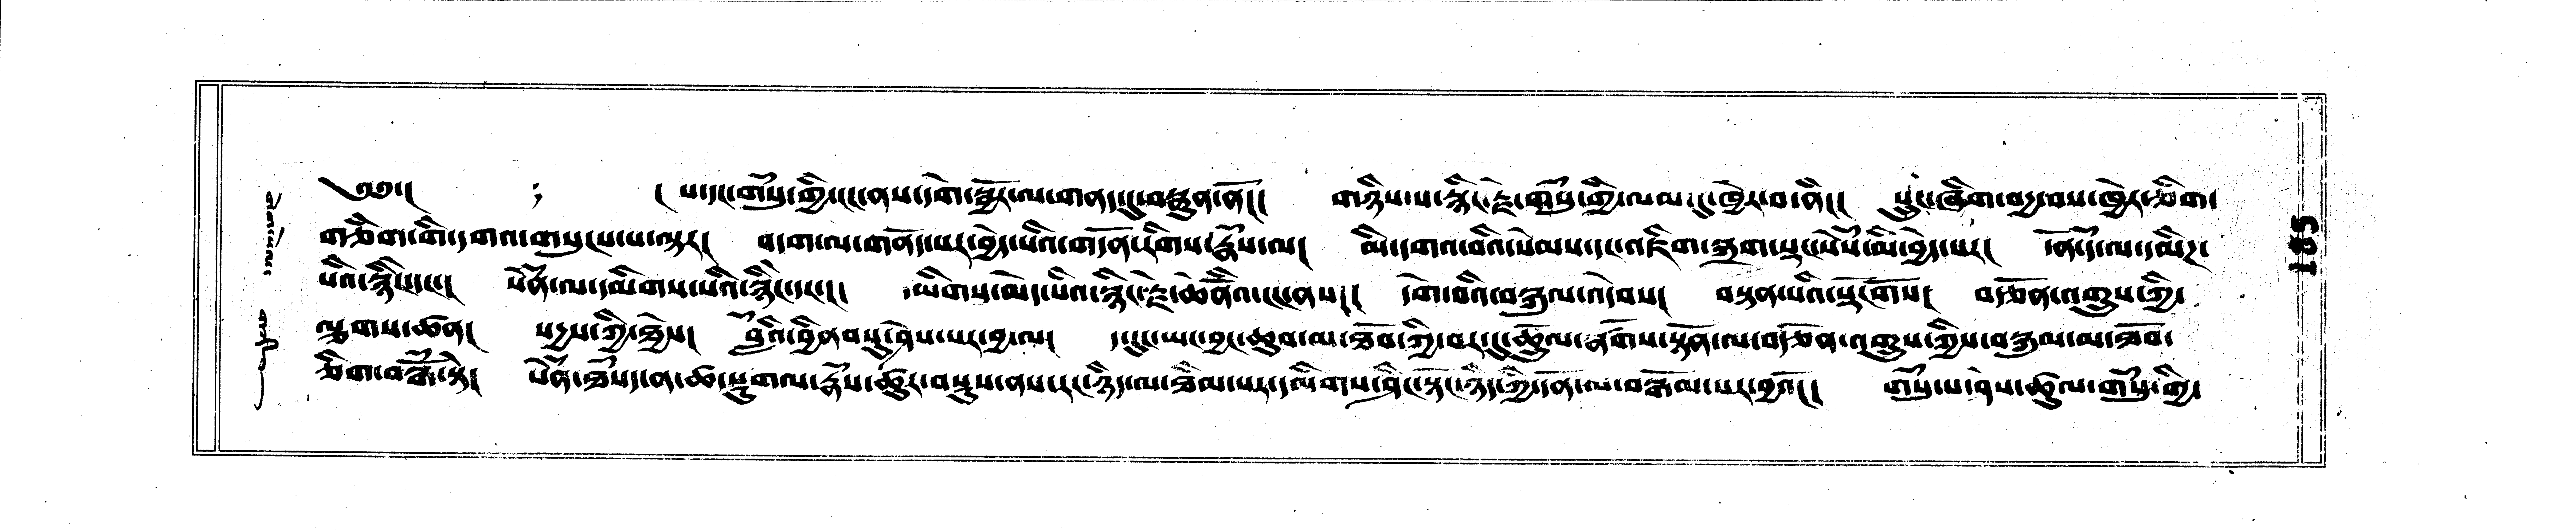པ་དང་གསུམ་གྱི་ངང་ནས་དགེ་སྦྱོར་ལ་གནད་དུ་བསྣུན་ནོ། །གཉིས་པ་སྙིང་རྗེ་གསུམ་གྱི་ལམ་དུ་ཁྱེར་བ་ནི། སྲུང་ཞིག་བརྒྱ་བརྒྱ་བས་ཁྱེར་ཅིག་
གཅིག་གི་དགའ་གསུངས་པ་ལྟར། བདག་ལ་གནོད་པར་བྱེད་པའི་གདོན་རིགས་རྣམས་ལ། མི་དགའ་བའི་སེམས་དང་འཇིགས་སྐྲག་སྡང་སེམས་མི་བྱེད་པར། དོན་དམ་ལ་དམིགས་
པའི་སྙིང་རྗེ་དང་། སེམས་ཅན་ལ་དམིགས་པའི་སྙིང་རྗེ་དང་། དམིགས་མེད་པའི་སྙིང་རྗེ་ཆེན་པོའི་ངང་ནས། དགེ་བའི་བསྐུལ་འདེབས། བསྟན་པའི་སྡོང་གྲོགས། བརྩོན་འགྲུས་ཀྱི་
ལྕགས་ཚན། སངས་རྒྱས་ཀྱི་ཐུགས་རྗེ། བླ་མའི་བྱིན་རླབས་སུ་ཤཻས་པར་བྱ་ལ། ད་དུང་ཡང་བྱང་ཆུབ་མ་ཐོབ་ཀྱི་བར་དུ་ཆོ་འཕྲུལ་སྣ་ཚོགས་སྟོན་ལ་བརྩོན་འགྲུས་ཀྱིས་བསྐུལ་མ་ཐོབ་
སྒོམ་སྟེ། སེམས་ཅན་ཐམས་ཅད་ན་ཚ་སྡུག་བསྔལ་རྣམས་ཚུར་བསྡུས་ནས་རང་ཉིད་ལ་ཐིམ་པར་དམིགས་ཤིང་སྟོང་ཉིད་ཀྱི་དོན་ལ་བསྒོམ་པར་བྱའོ། །གསུམ་པ་ཤེས་ཚུལ་གསུམ་གྱི་